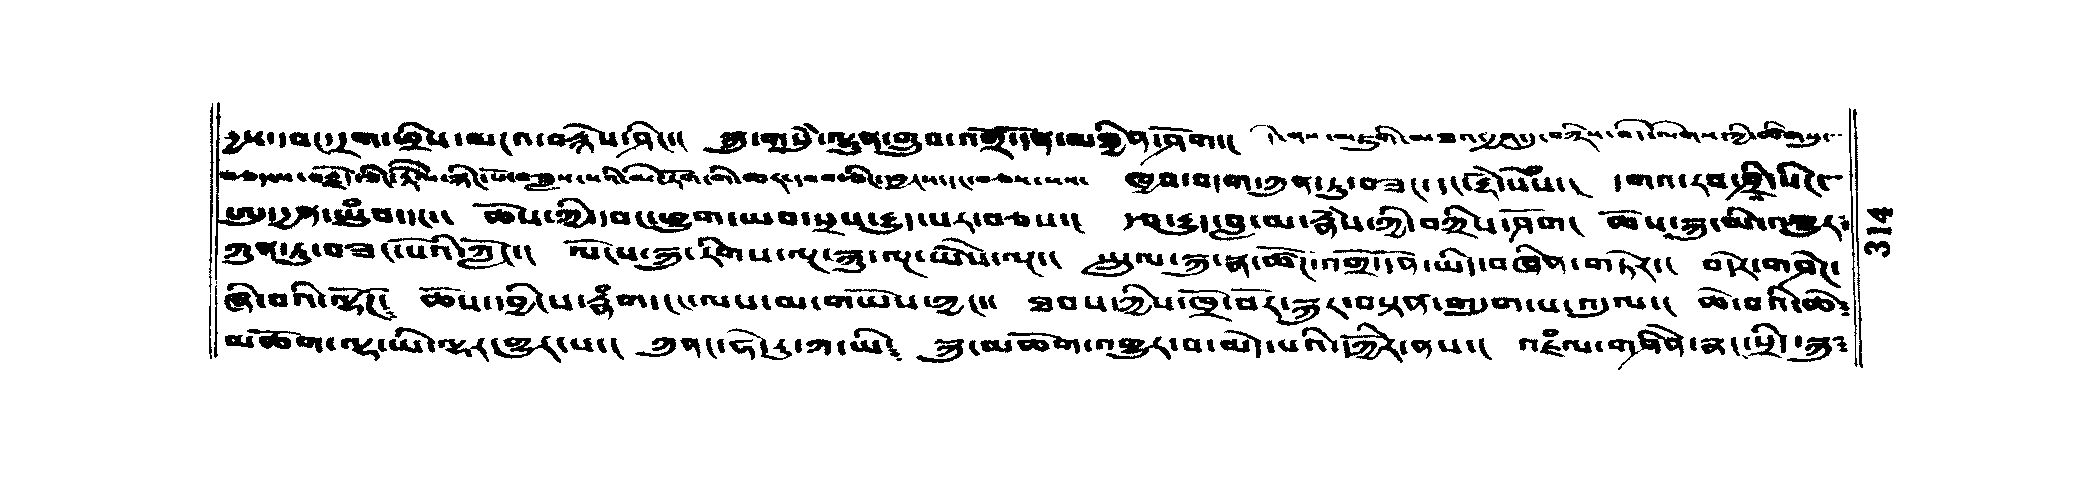རྒྱས་དབང་དྲག་ཕྲིན་ལས་མངའ་བརྙེས་ཤིང་། །སྐུ་གསུང་ལྷུན་གྲུབ་འགྲོ་དོན་མཐར་ཕྱིན་ཤོག་།དེ་ནས་མཇུག་གི་མཐའ་རྒྱན་དུ་བཀྲ་ཤིས་བདེ་ལེགས་ཀྱི་ཚིགས་སུ་
བཅད་པ་བརྗོད་ཅིང་རྟེན་འབྲེལ་གྱི་སྙིང་པོ་བཟླས་པའི་མེ་ཏོག་གི་ཆར་དབབ་ཅིང་དབྱངས་དང་བཅས་པས། ཁྱབ་བདག་ཀུན་ཏུ་བཟང་དང་རྡོ་རྗེ་སེམས། །དགའ་རབ་ཤྲཱི་སིང་
ཡུ་རྒྱན་ཡབ་ཡུམ་དང་། ། ཆོས་ཀྱི་དབང་ཕྱུག་ཡབ་སྲས་རྒྱུད་པར་བཅས། །རྩ་རྒྱུད་བླ་མ་རྣམས་ཀྱི་བཀྲ་ཤིས་ཤོག་ཆོས་སྐུ་མི་འགྱུར་
ཀུན་ཏུ་བཟང་པོའི་ཀློང་། །ལོངས་སྐུ་རིགས་ལྔ་སྐུ་ལྔ་ཡེ་ཤེས་ལྔ་། སྤྲུལ་སྐུ་སྣ་ཚོགས་འགྲོ་དོན་ཡིད་བཞིན་གཏེར། ། བདེར་བཤེགས་
ཞི་བའི་ལྷ་ཚོགས་༴ ཆོས་དབྱིངས་རྣམ་དག་ངང་ལས་མ་གཡོས་ཀྱང་། །ཐབས་ཀྱིས་ཁྲོ་བོར་སྐུར་བསྟན་གདུག་པ་འདུལ། །ཆེ་བའི་ཆེ་མཆོག་
ལྷ་ཡི་ལྷར་གྱུར་པ། །ཀུན་བཟང་ཧེ་རུ་ཀ་ཡི་༴ སྐུ་མཆོག་འགྱུར་བ་མེད་པའི་དཀྱིལ་འཁོར་ནས། །འཇམ་དཔལ་གཤིན་རྗེ་སྣང་སྲིད་སྐུ་